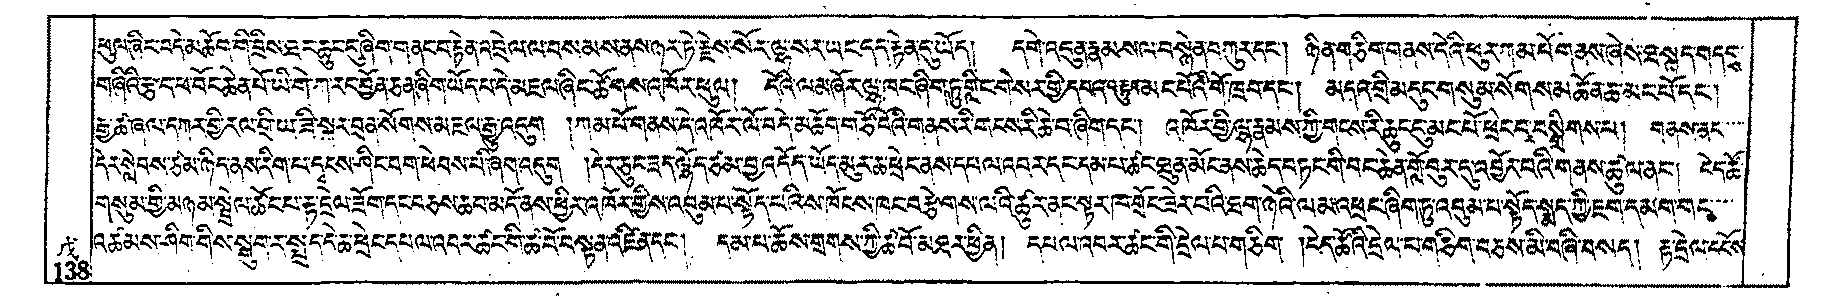ཕུལ་ཞིང་བདེ་མཆོག་གི་བྲིས་ཐང་ཆུང་དུ་ཞིག་གནང་བ་རྟེན་འབྲེལ་ལ་བསམས་ནས་ཉར་ཏེ་རྗེས་སོར་ལྷ་སར་ཡང་དད་རྟེན་དུ་ཡོད། དགེ་འདུན་རྣམས་ལ་བསྙེན་བཀུར་དང་། ཉིན་གཅིག་གནས་དེའི་ཕུར་ཀམ་པོ་གནས་ཞེས་ཐ་སྙད་གདགས་
གཞིའི་རྩ་བ་ཕ་བོང་ཆེན་པོ་ཡི་གེ་ཀ་རང་བྱོན་ཅན་ཞིག་ཡོད་པ་དེ་མཇལ་ཞིང་ཚོགས་འཁོར་ཕུལ། དེའི་ལམ་ཞོར་ལྷ་ཁང་ཞིག་ཏུ་གླིང་གེ་སར་གྱི་དཔའ་བརྟུལ་མང་པོའི་གོ་ཁྲབ་དང་། མདའ་གྲི་མདུང་གསུམ་སོགས་མཚོན་ཆ་མང་པོ་དང་།
རྒྱ་ཚ་ཞལ་དཀར་གྱི་རལ་གྲི་ཡ་ཟི་སྐར་བྲན་སོགས་མཇལ་རྒྱུ་འདུག །ཀམ་པོ་གནས་དེ་འཁོར་ལོ་བདེ་མཆོག་གཙོ་བོའི་གནས་རི་གངས་རི་ཆེ་བ་ཞིག་དང་། འཁོར་གྱི་ལྷ་རྣམས་ཀྱི་གངས་རི་ཆུང་དུ་མང་པོ་ཕྲེང་བར་བསྒྲིགས་པ། གནས་ནང་
དེར་སླེབས་ཙམ་ཉིད་ནས་རིག་པ་དྭངས་ཤིང་བག་ཕེབས་པ་ཞིག་འདུག །དེར་ཅུང་ཟད་ལྷོད་ཙམ་བྱ་འདོད་ཡོད་མུར་ཆ་ཕྲེང་ནས་དཔལ་འབར་དང་དམ་པ་ཚང་ཐུན་མོང་ནས་ཆེད་བཏང་གི་བང་ཆེན་གློ་བུར་དུ་འབྱོར་བའི་གནས་ཚུལ་ནང་། ངེད་ཚོ་
གསུམ་གྱི་མཉམ་སྦྲེལ་ཚོང་པ་རྟ་དྲེལ་ཟོག་དང་བཅས་ཆབ་མདོ་ནས་ཕྱིར་འཁོར་གྱིས་འབུམ་པ་སྟོད་པའི་ས་ཁོངས་ཁང་བརྩེགས་ལའི་ཚུར་ནང་སྟར་ཁ་གྲོང་ཟེར་བའི་ཐག་ཉེའི་ལམ་འཕྲང་ཞིག་ཏུ་འབུམ་པ་སྟོད་སྨད་ཀྱི་ཇག་དམག་གང་
འཚམས་ཤིག་གིས་སྒུག་ར་སྤྲད་དེ་ཆ་ཕྲེང་དཔལ་འབར་ཚང་གི་ཚ་བོ་བསྟན་འཛིན་དང་། དམ་པ་ཆོས་གྲགས་ཀྱི་ཚ་བོ་མཐར་ཕྱིན། དཔལ་འབར་ཚང་གི་དྲེལ་པ་གཅིག །ངེད་ཚོའི་དྲེལ་པ་གཅིག་བཅས་མི་བཞི་བསད། རྟ་དྲེལ་དངོས་